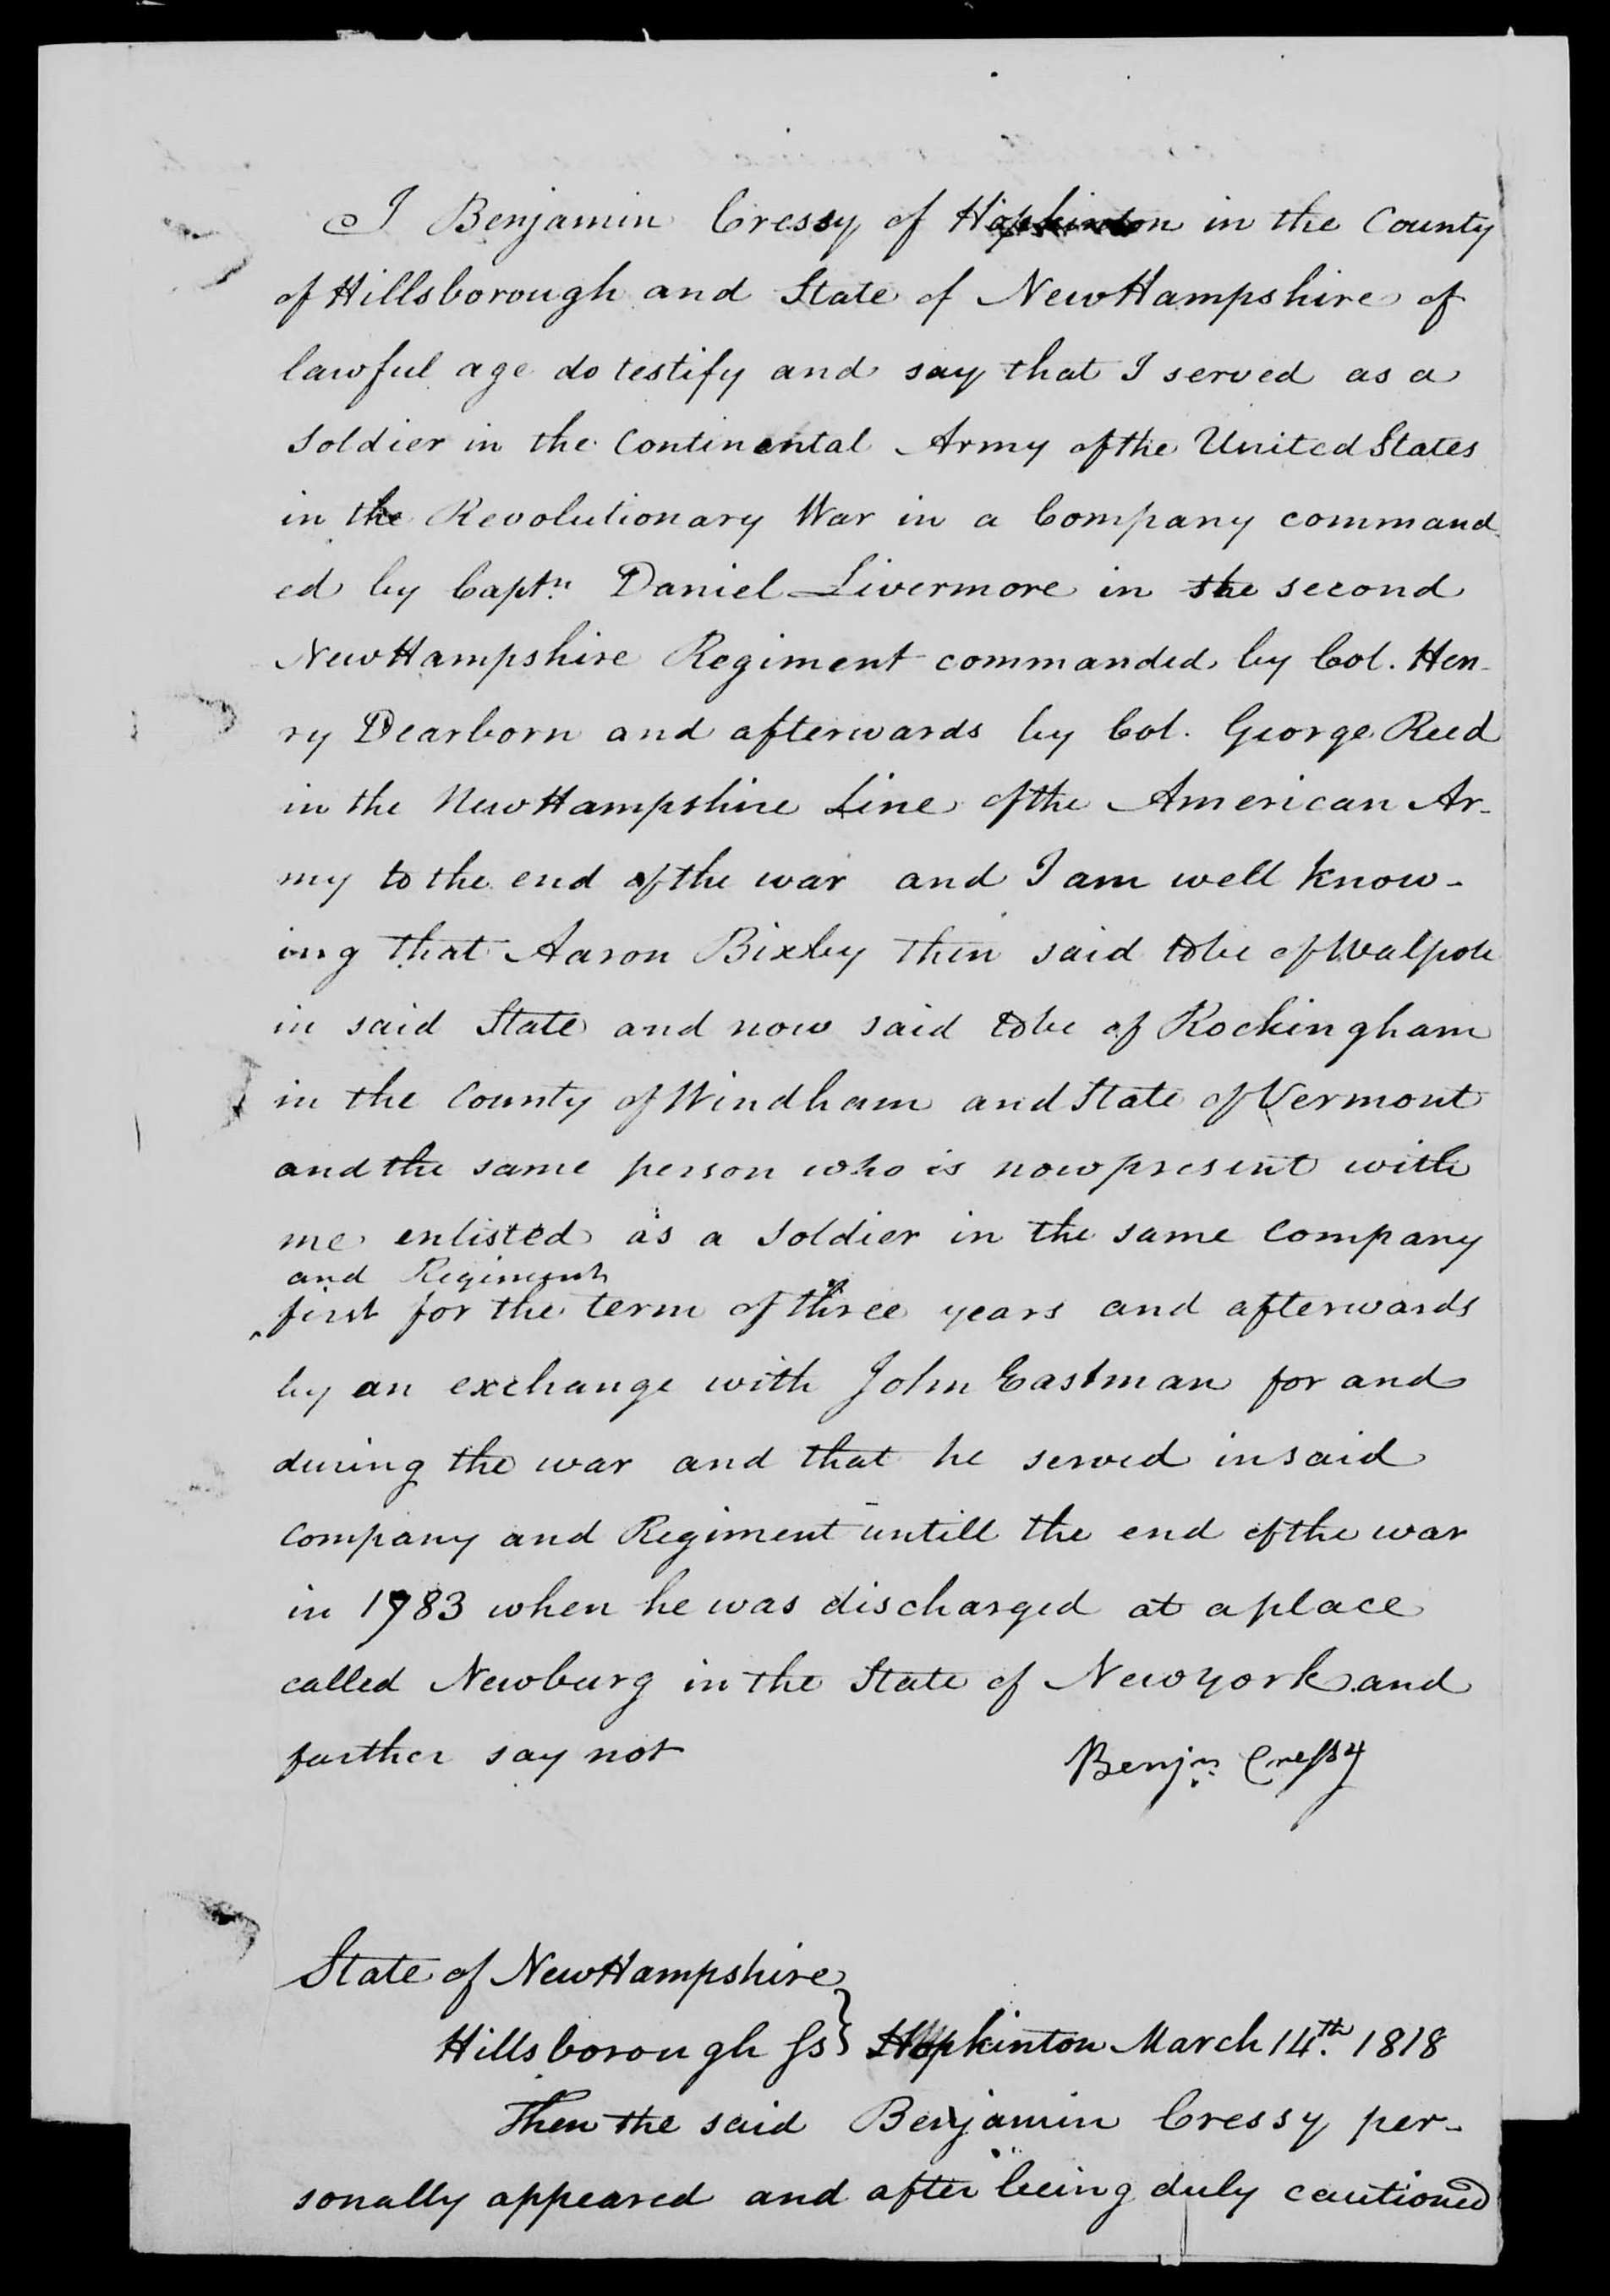I Benjamin Cressy of Hopkinton in the County 
of Hillsborough and State of New Hampshire of 
lawful age do testify and say that I served as a 
soldier in the continental army of the United States 
in the Revolutionary War in a Company command
ed by Captn. Daniel Livermore in the second 
New Hampshire Regiment commanded by Col. Hen
ry Dearborn and afterwards by Col. George Reed 
in the New Hampshire Line of the American Ar
my to the end of the war and I am well know
ing that Aaron Bixby then said to be of Walpole 
in said State and now said to be of Rockingham 
in the County of Windham and State of Vermont 
and the same person who is now present with 
me enlisted as a soldier in the same company 
and regiment first for the term of three years and afterwards 
by an exchange with John Eastman for and 
during the war and that he served in said 
company and regiment untill [until] the end of the war 
in 1783 when he was discharged at a place 
called Newburg [Newburgh] in the State of New York and 
further say not
Benjn Cressy

State of New Hampshire }
Hillsborough Ss} Hopkinton March 14th. 1818
Then the said Benjamin Cressy per
sonally appeared and after being duly cautioned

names: Benjamin Cressy, Benjn Cressy, George Reed, Benjamin Cressy, Aaron Bixby, Henry Dearborn, Daniel Livermore, John Eastman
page: 14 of 17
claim: survivor's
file: S 41436, Aaron Bixby, N.H.